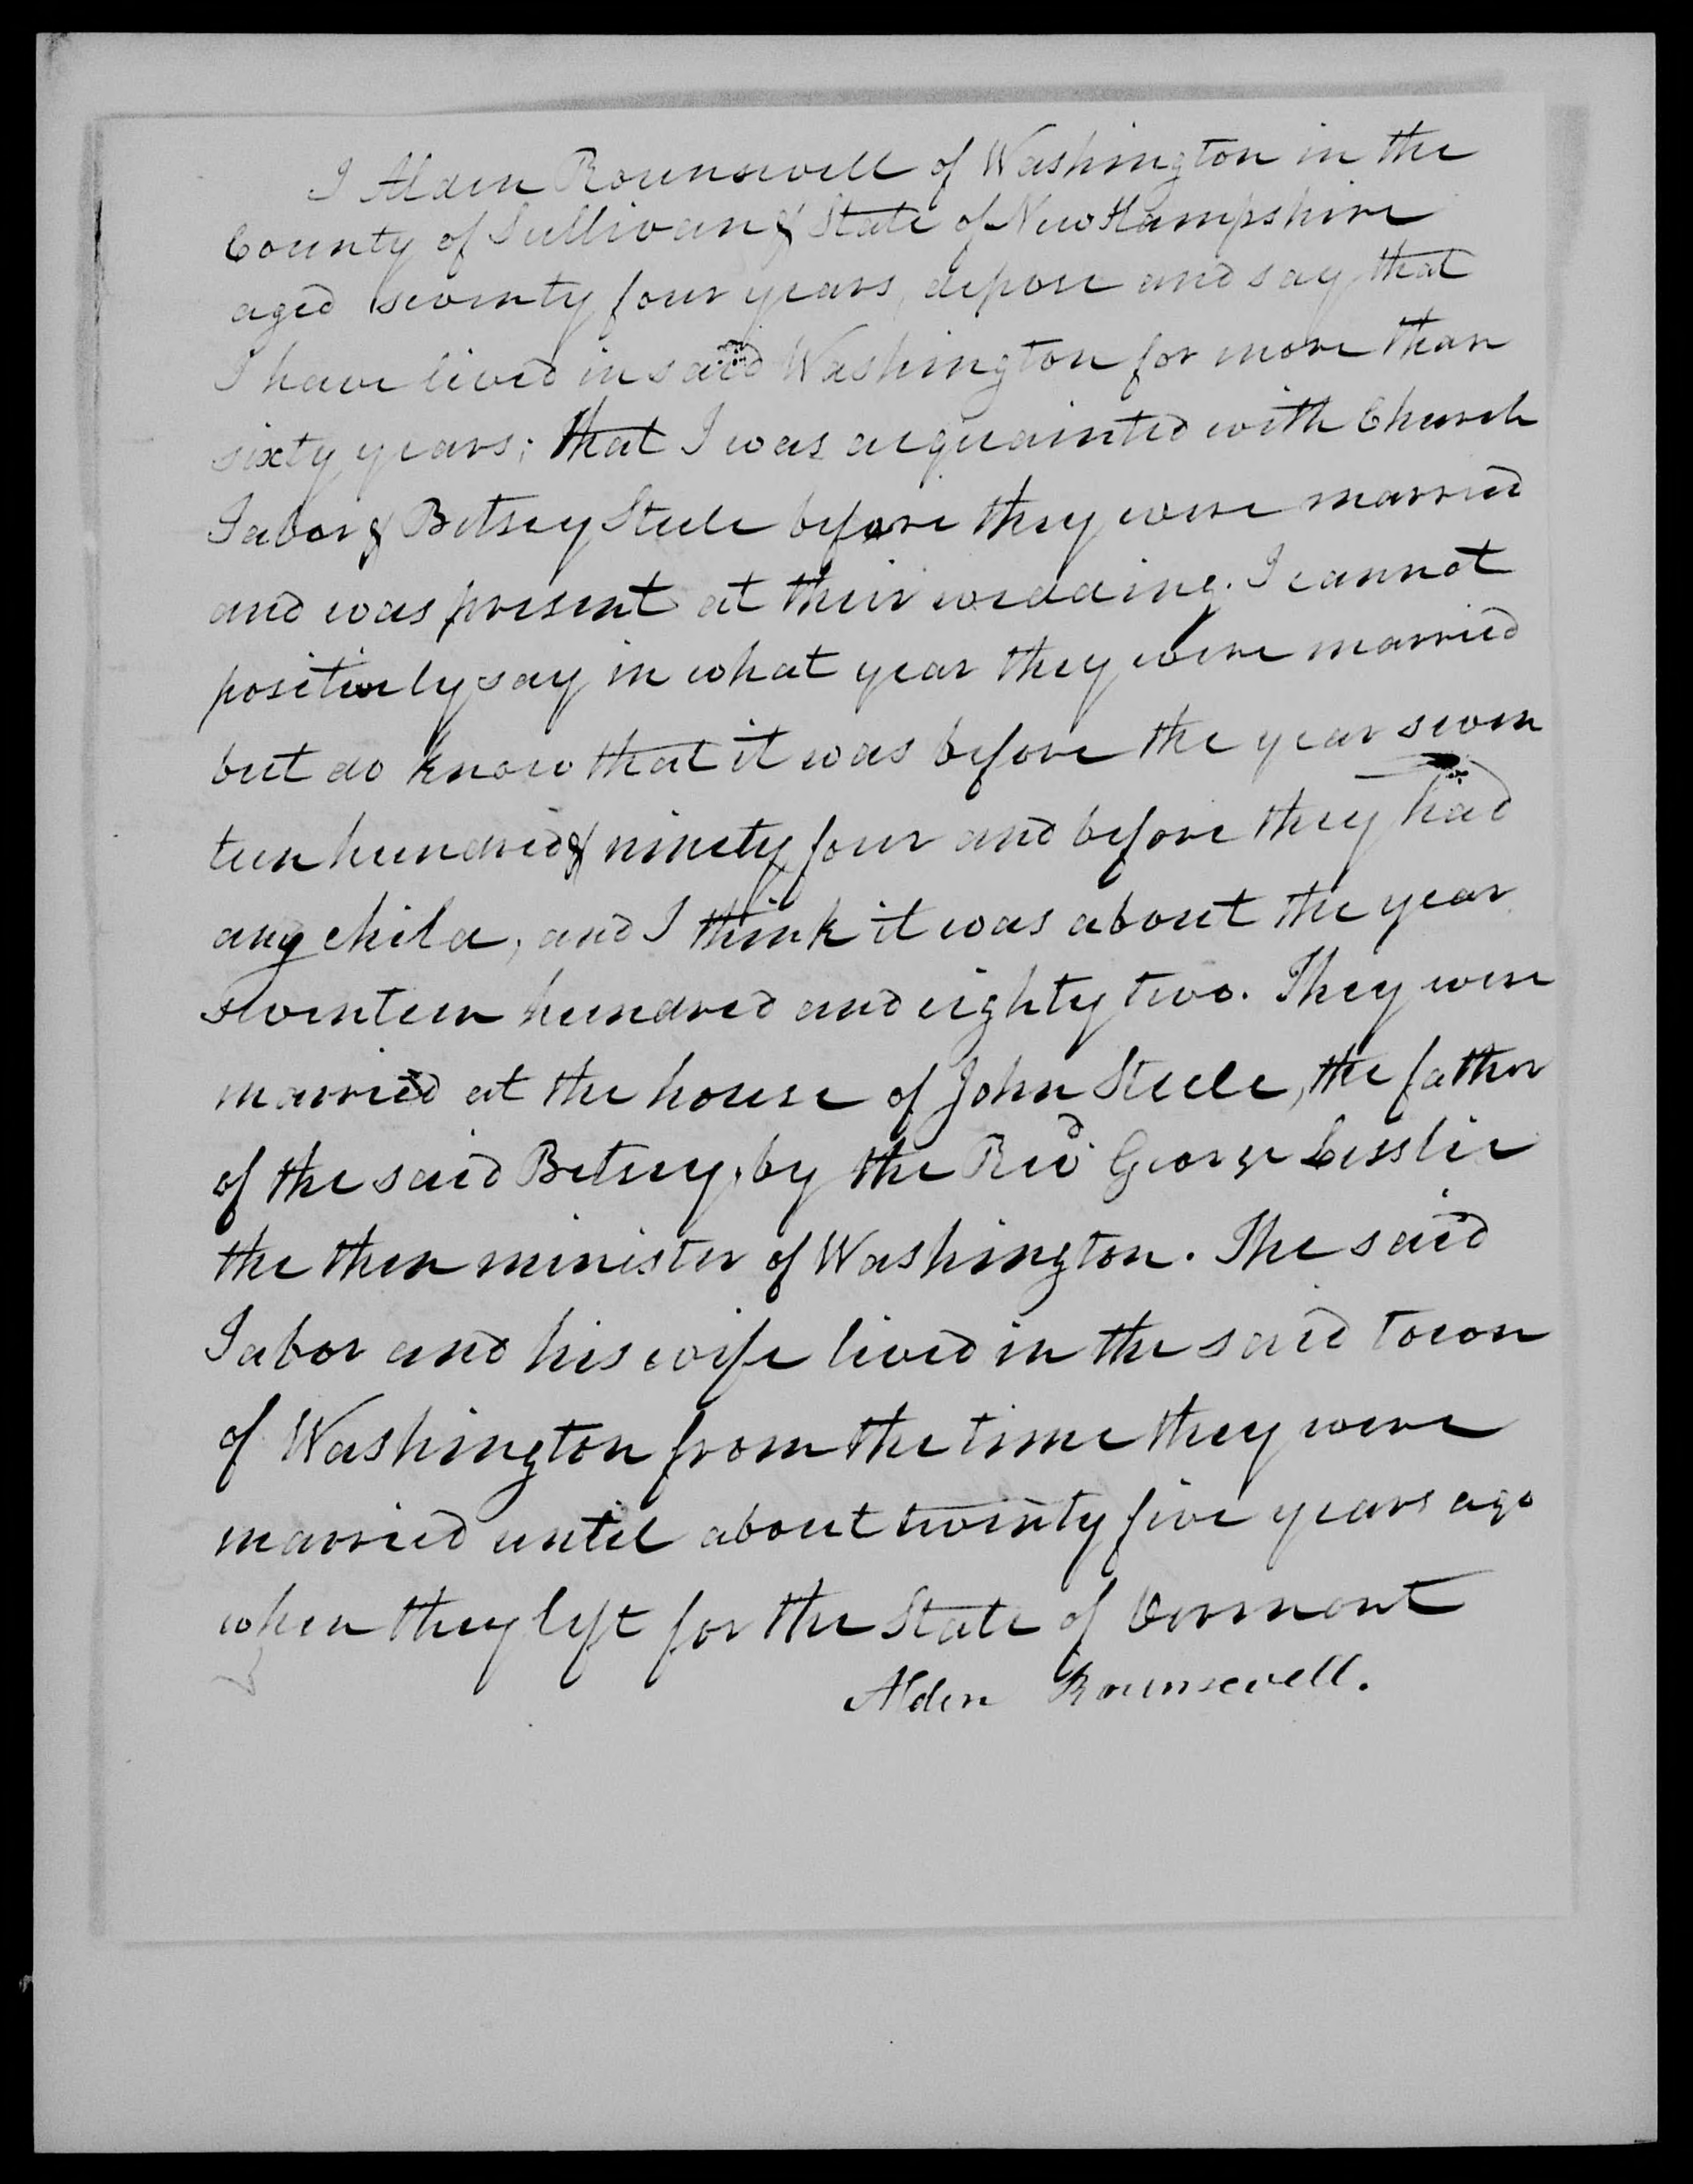I Alden Rounswell of Washington in the County of Sullivan & State of New Hampshire aged seventy four years depose and say that I have lived in said Washington for more than sixty years; that I was acquainted with Church Tabor & Betsey Steele before they were married and was present at their wedding. I cannot positively sat in what year they were married by do know that it was before the year seventeen hundred & ninety four and before they had any child, and I think it was about the year seventeen hundred and eighty two. they were married at the house of John Steele, the father of the said Betsey by the Revd. George Lesslie the then minister of Washington. the said Tabor and his wife lived in the said Town of Washington from the time they were married until about twenty five years ago, when they left for the State of Vermont.
Alden Rounswell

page: 32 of 41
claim: widow's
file: W 26507, for Church Tabor, Massachusetts